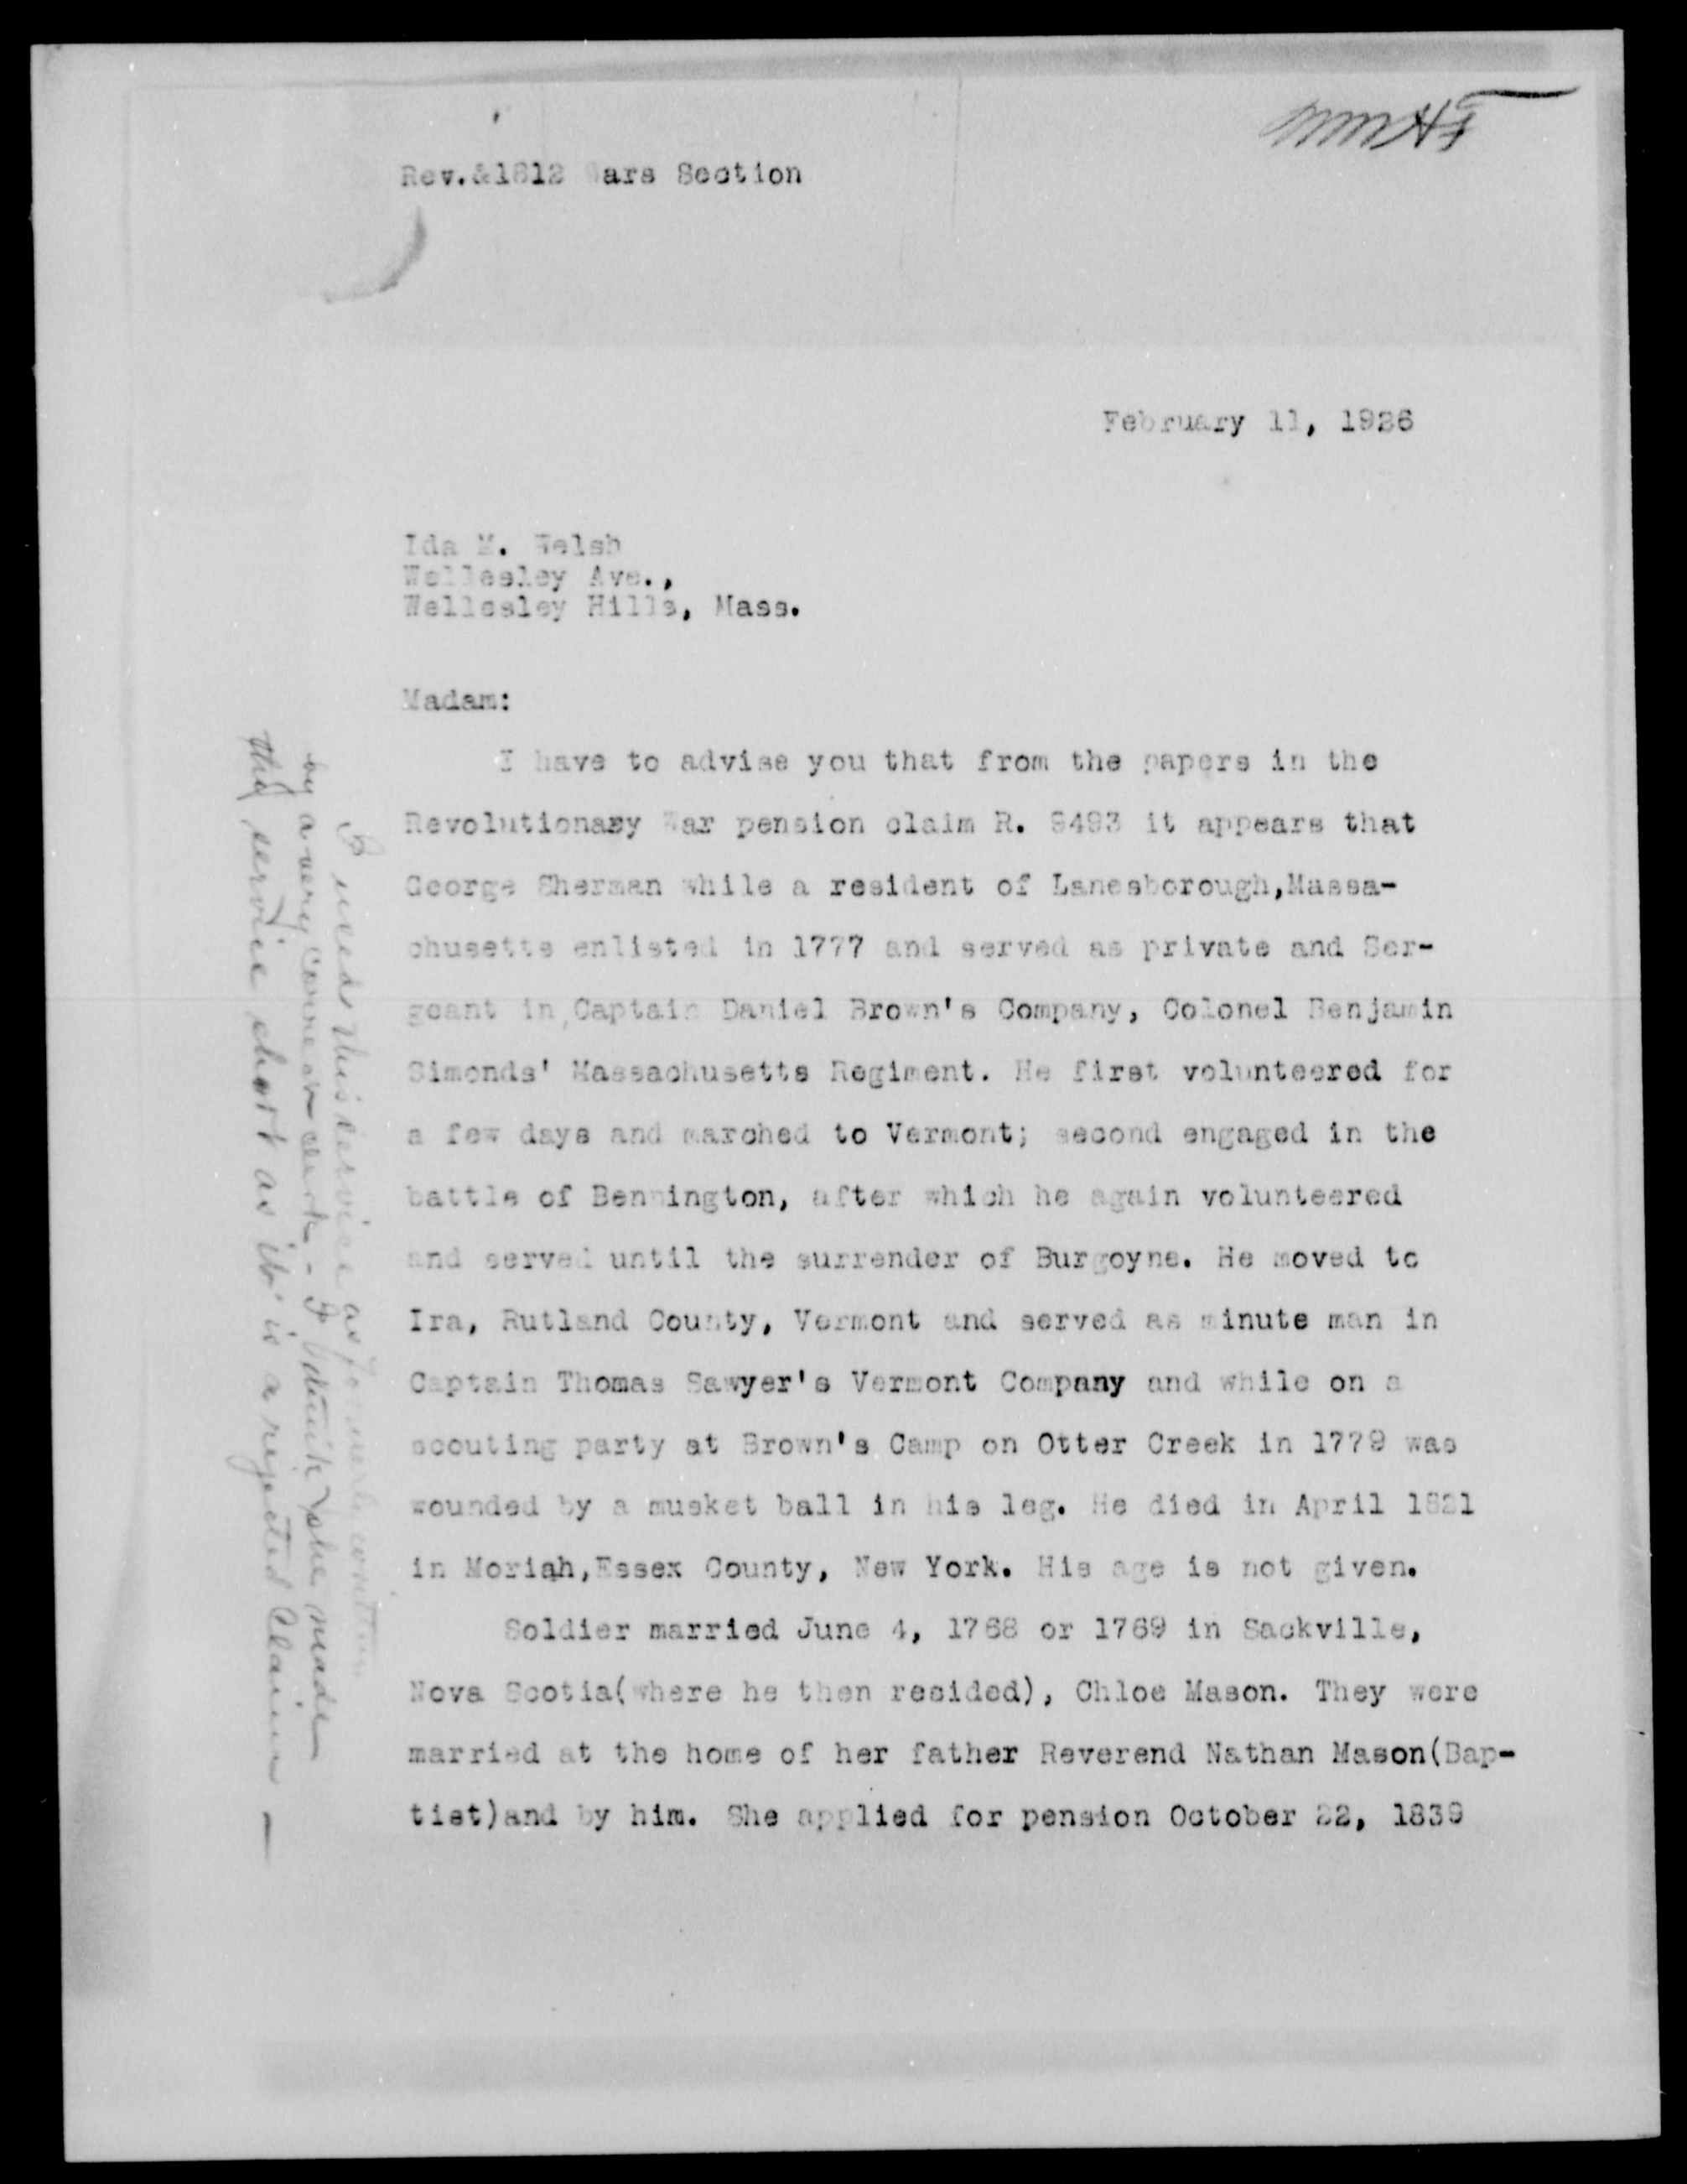Rev. & 1812 Wars Section
Ida M. Welsh
Wellesley Ave.,
Wellesley Hills, Mass.
Madam:
February 11, 1926
have to advise you that from the papers in the
Revolutionary War pension claims R. $493 it appears that
George Sherman while a resident of Lanesborough, Massachusetts
enlisted in 1777 and served as private and Sergeant
in Captain Daniel Brown's Company, Colonel Benjamin
Simonds' Massachusetts Regiment. He first volunteered for
a few days and marched to Vermont; second engaged in the
battle of Bennington, after which he again volunteered
and served until the surrender of Burgoyne. He moved to
Ira, Rutland County, Vermont and served as minute man in
Captain Thomas Sawyer's Vermont Company and while on a
scouting party at Brown's Camp on Otter Creek in 1779 was
wounded by a musket ball in his leg. He died in April 1821
in Moriah, Essex County, New York. His age is not given.
Soldier married June 4, 1768 or 1769 in Sackville,
Nova Scotia where he then resided), Chloe Mason. They were
married at the home of her father Reverend Nathan Mason Baptist
, and by him. She applied for pension October 22, 1839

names: Chloe Mason; Nathan Mason; Ida M Welsh; George Sherman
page: 22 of 52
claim: rejected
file: R. 9493, for George Sherman, Vermont